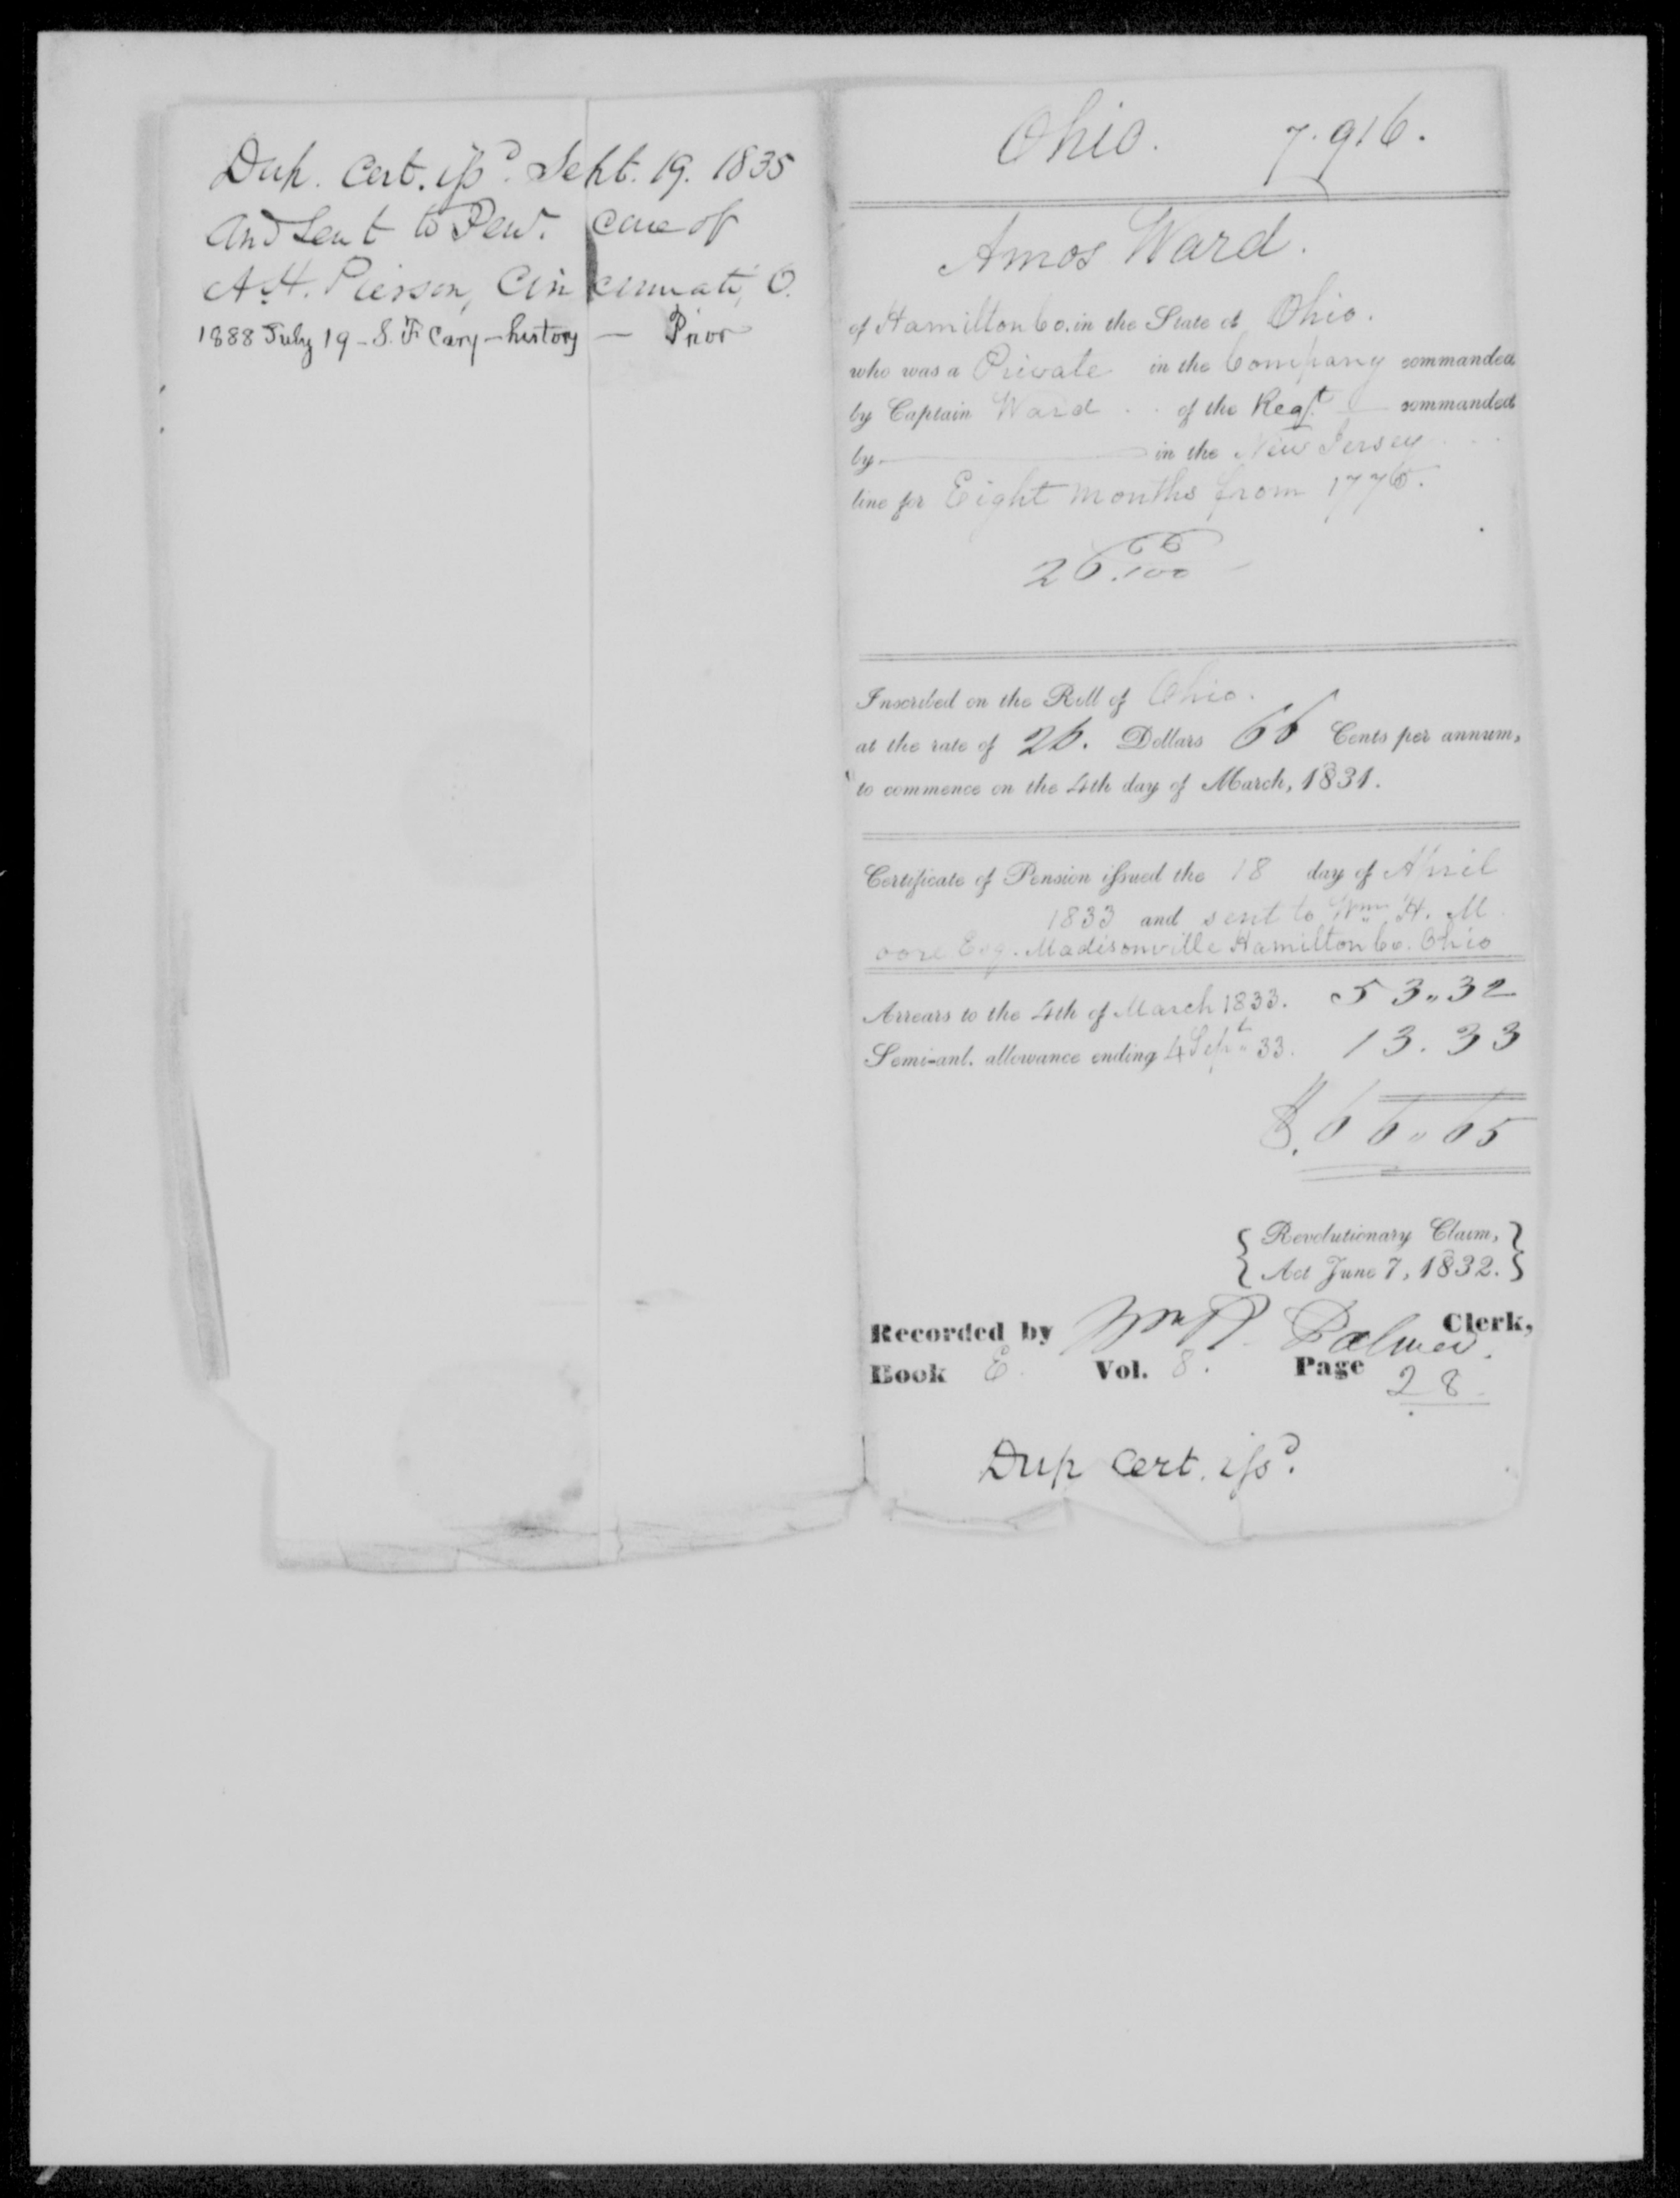Ohio.  . 7.916. 
Amos Ward 
of Hamilton Co. in the State of Ohio 
who was a Private in the Company commanded by Captain Ward of the Regt commanded 
by --- in the New Jersey line for Eight months from 1776. 
26.66/100 

Inscribed on the Roll of Ohio. 
at the rate of 26. Dollars 66 Cents per annum, to commence on the 4th day of March, 1831. 

Certificate of Pension issued the 18 day of April 1833 and sent to Wm H. Moore Esq. Madisonville Hamilton Co. Ohio 

Arrears to the 4th of March 1833.         53.32 Semi-anl. allowance ending 4 Sept 33. 13.33  $66.65 

{ Revolutionary Claim, Act June 7, 1832. }

Recorded by Wm R. Palmer. Clerk, 
Book E Vol. 8.  Page 28.

Dup Cert issd.

Dup. Cert. issd. Sept. 19. 1835 and sent to Pens. care of A. H. Pierson, Cincinnati O. 
1888 July 19 - S.F Cary history Prior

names: Wm R Palmer, Wm H Moore, A H Pierson, S F Cary, Ward, Amos Ward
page: 2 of 18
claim: survivor's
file: S. 4718, Amos Ward, New Jersey